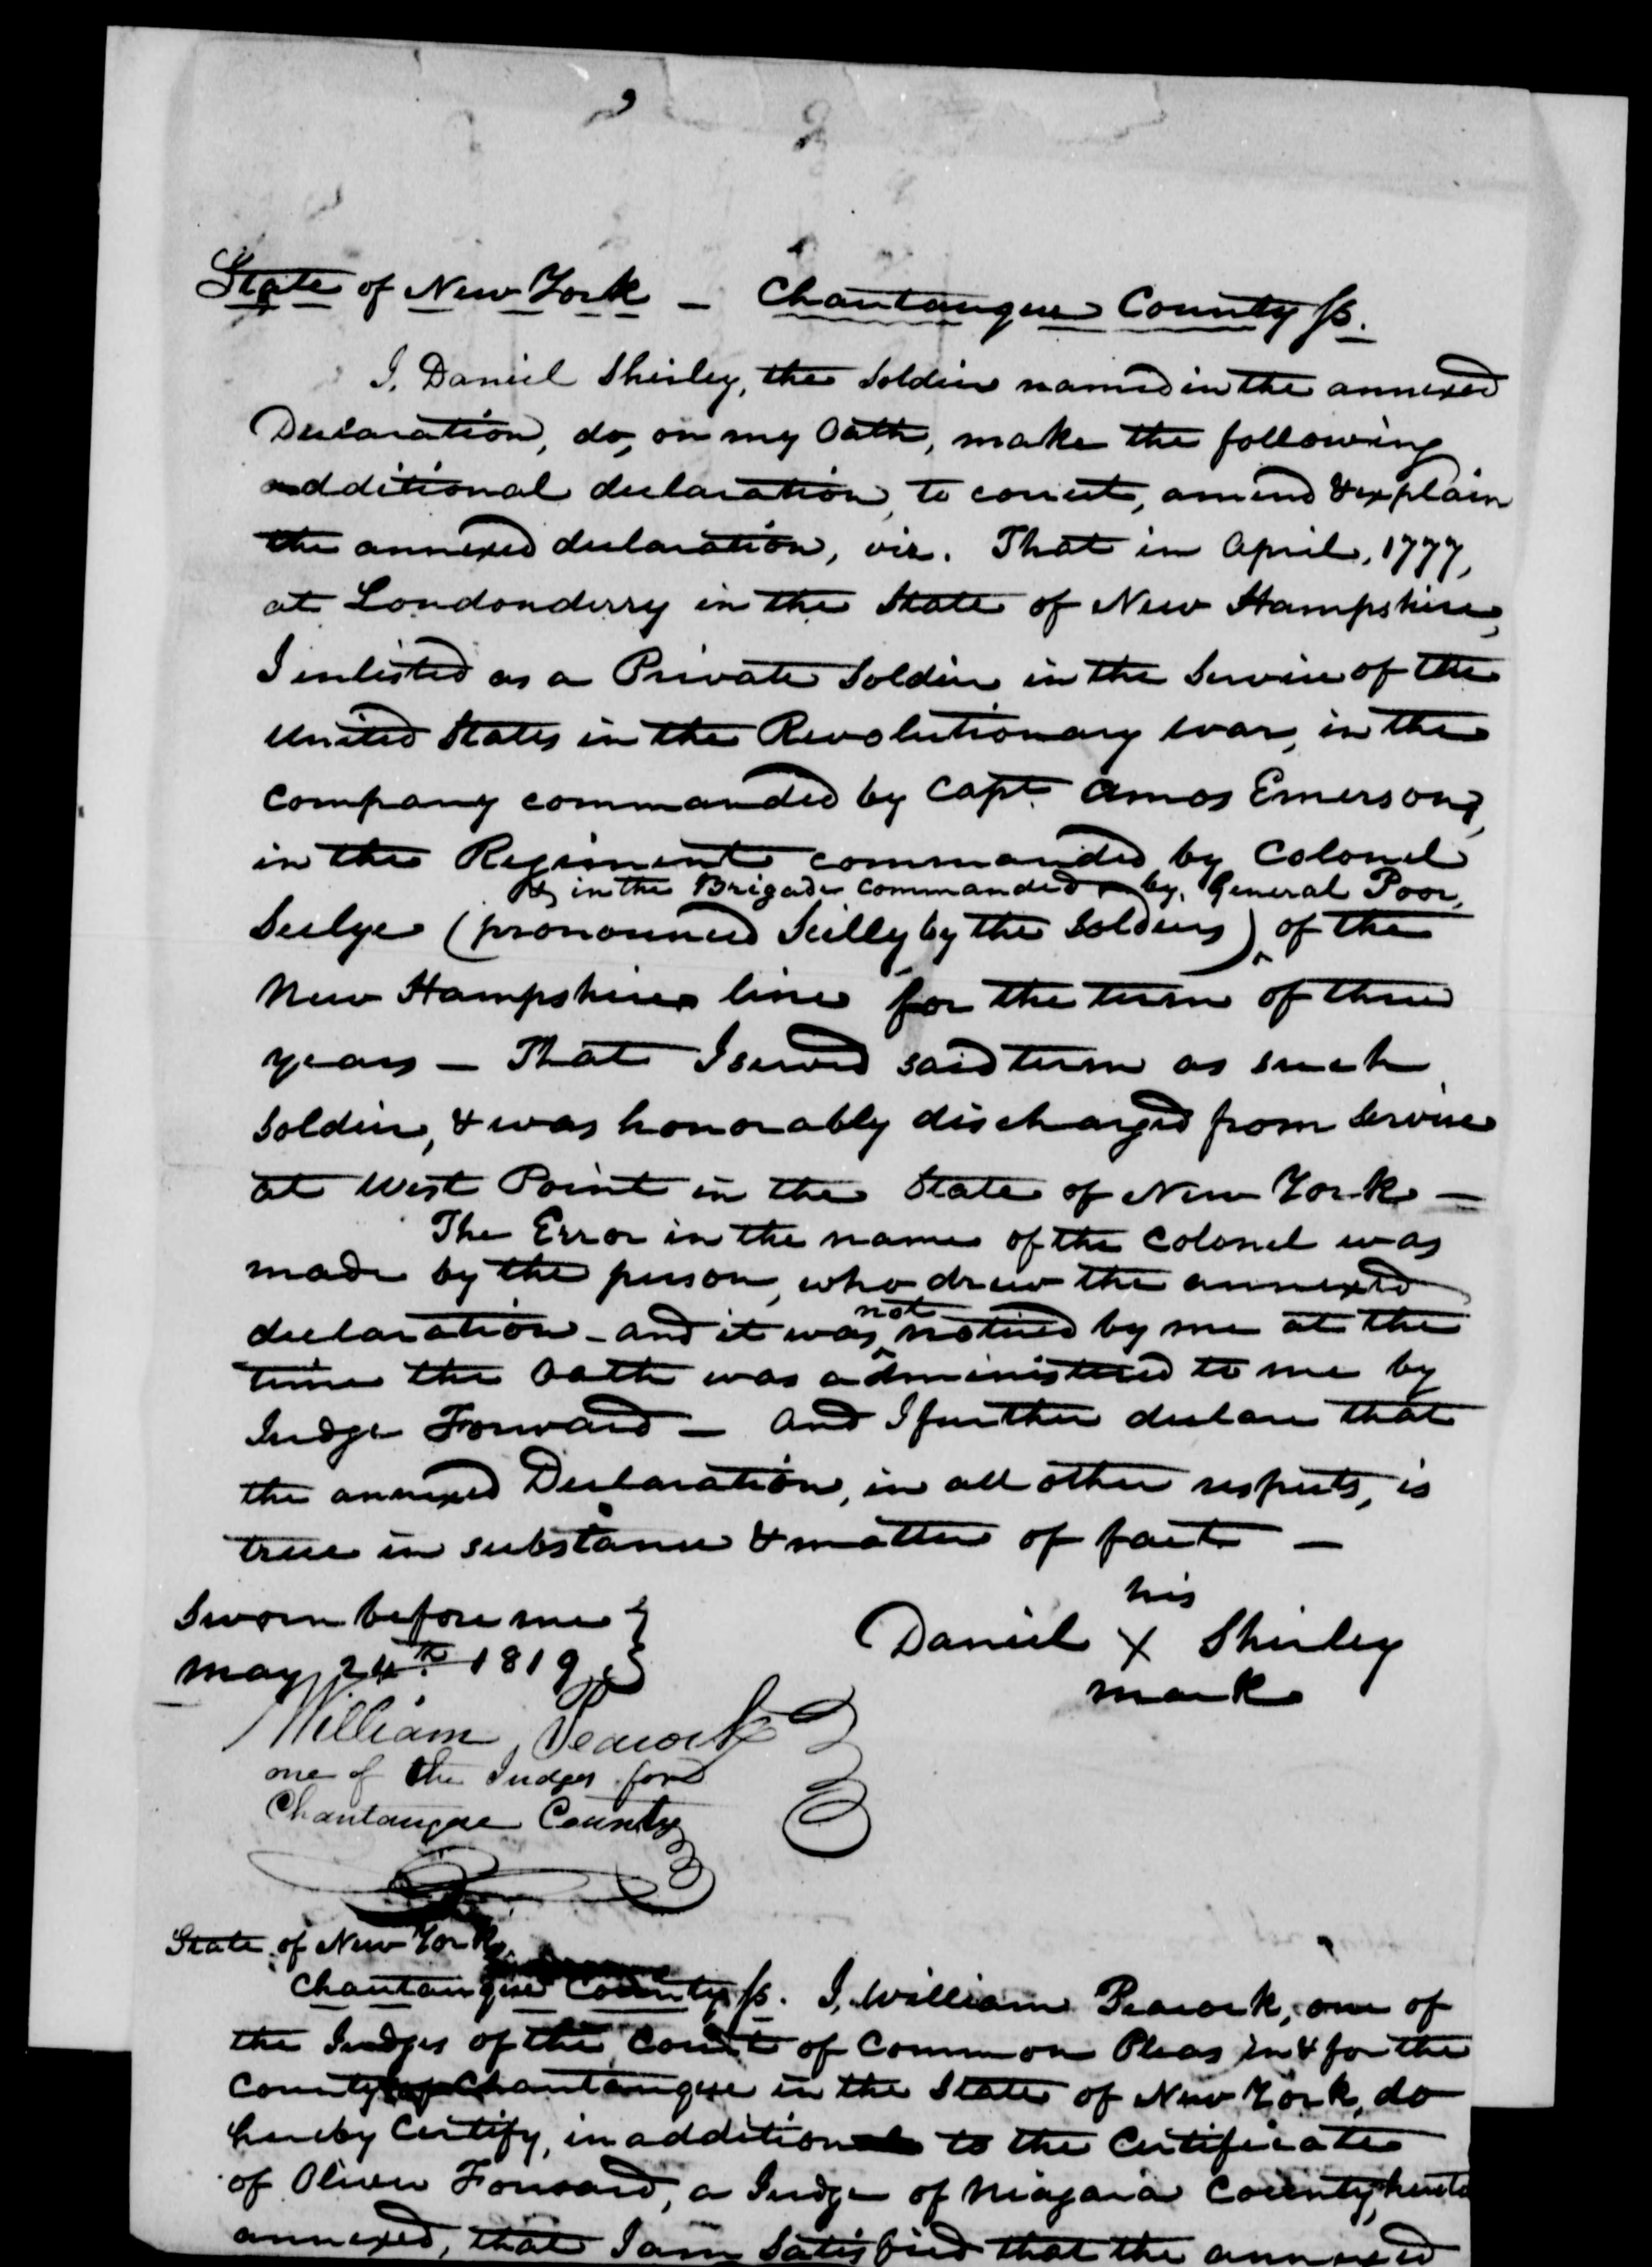State of New York--Chautauqua County fs.  [all underlined]

I, Daniel Shirley, the Soldier named in the annexed Declaration, do, on my Oath, make the following additional declaration to correct, amend & explain the annexed declaration, viz.  That in April, 1777, at Londonderry in the State of New Hampshire, I inlisted as a Private Soldier in the Service of the United States in the Revolutionary War, in the company commanded by Capt Amos Emerson, in the Regiment commanded by Colonel Seelye (pronounced Scilly by the Soldiers) & in the Brigade commanded by General Poor of the New Hampshire line for the term of three years--That I served said term as such Soldier & was honorably discharged from service at West Point in the State of New York--

The Error in the name of the Colonel was made by the person, who drew the annexed declaration--and it was not noticed by me at the time the oath was administered to me by Judge Forward--And I further declare that the annexed Declaration, in all other respects, is true in substance & matters of fact--
Daniel  his x mark  Shirley

Sworn before me May 24th 1819
William Peacock
one of the Judges for Chautauqua County

State of New York
Chautauqua County  fs.  [underlined]

I, William Peacock, one of the Judges of the Court of Common Pleas in & for the County of Chautauqua in the State of New York, do hereby certify, in addition to the certificate of Oliver Forward, a Judge of Niagara County, hereto annexed, that I am satisfied that the annexed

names: Amos Emerson; [BLANK] Poor; [BLANK] Forward; Daniel Shirley; [BLANK] Seelye; William Peacock; Daniel Shirley; Oliver Forward; [BLANK] Scilly; William Peacock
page: 8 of 20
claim: survivor's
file: S. 40412, for Daniel Shirley, New Hampshire